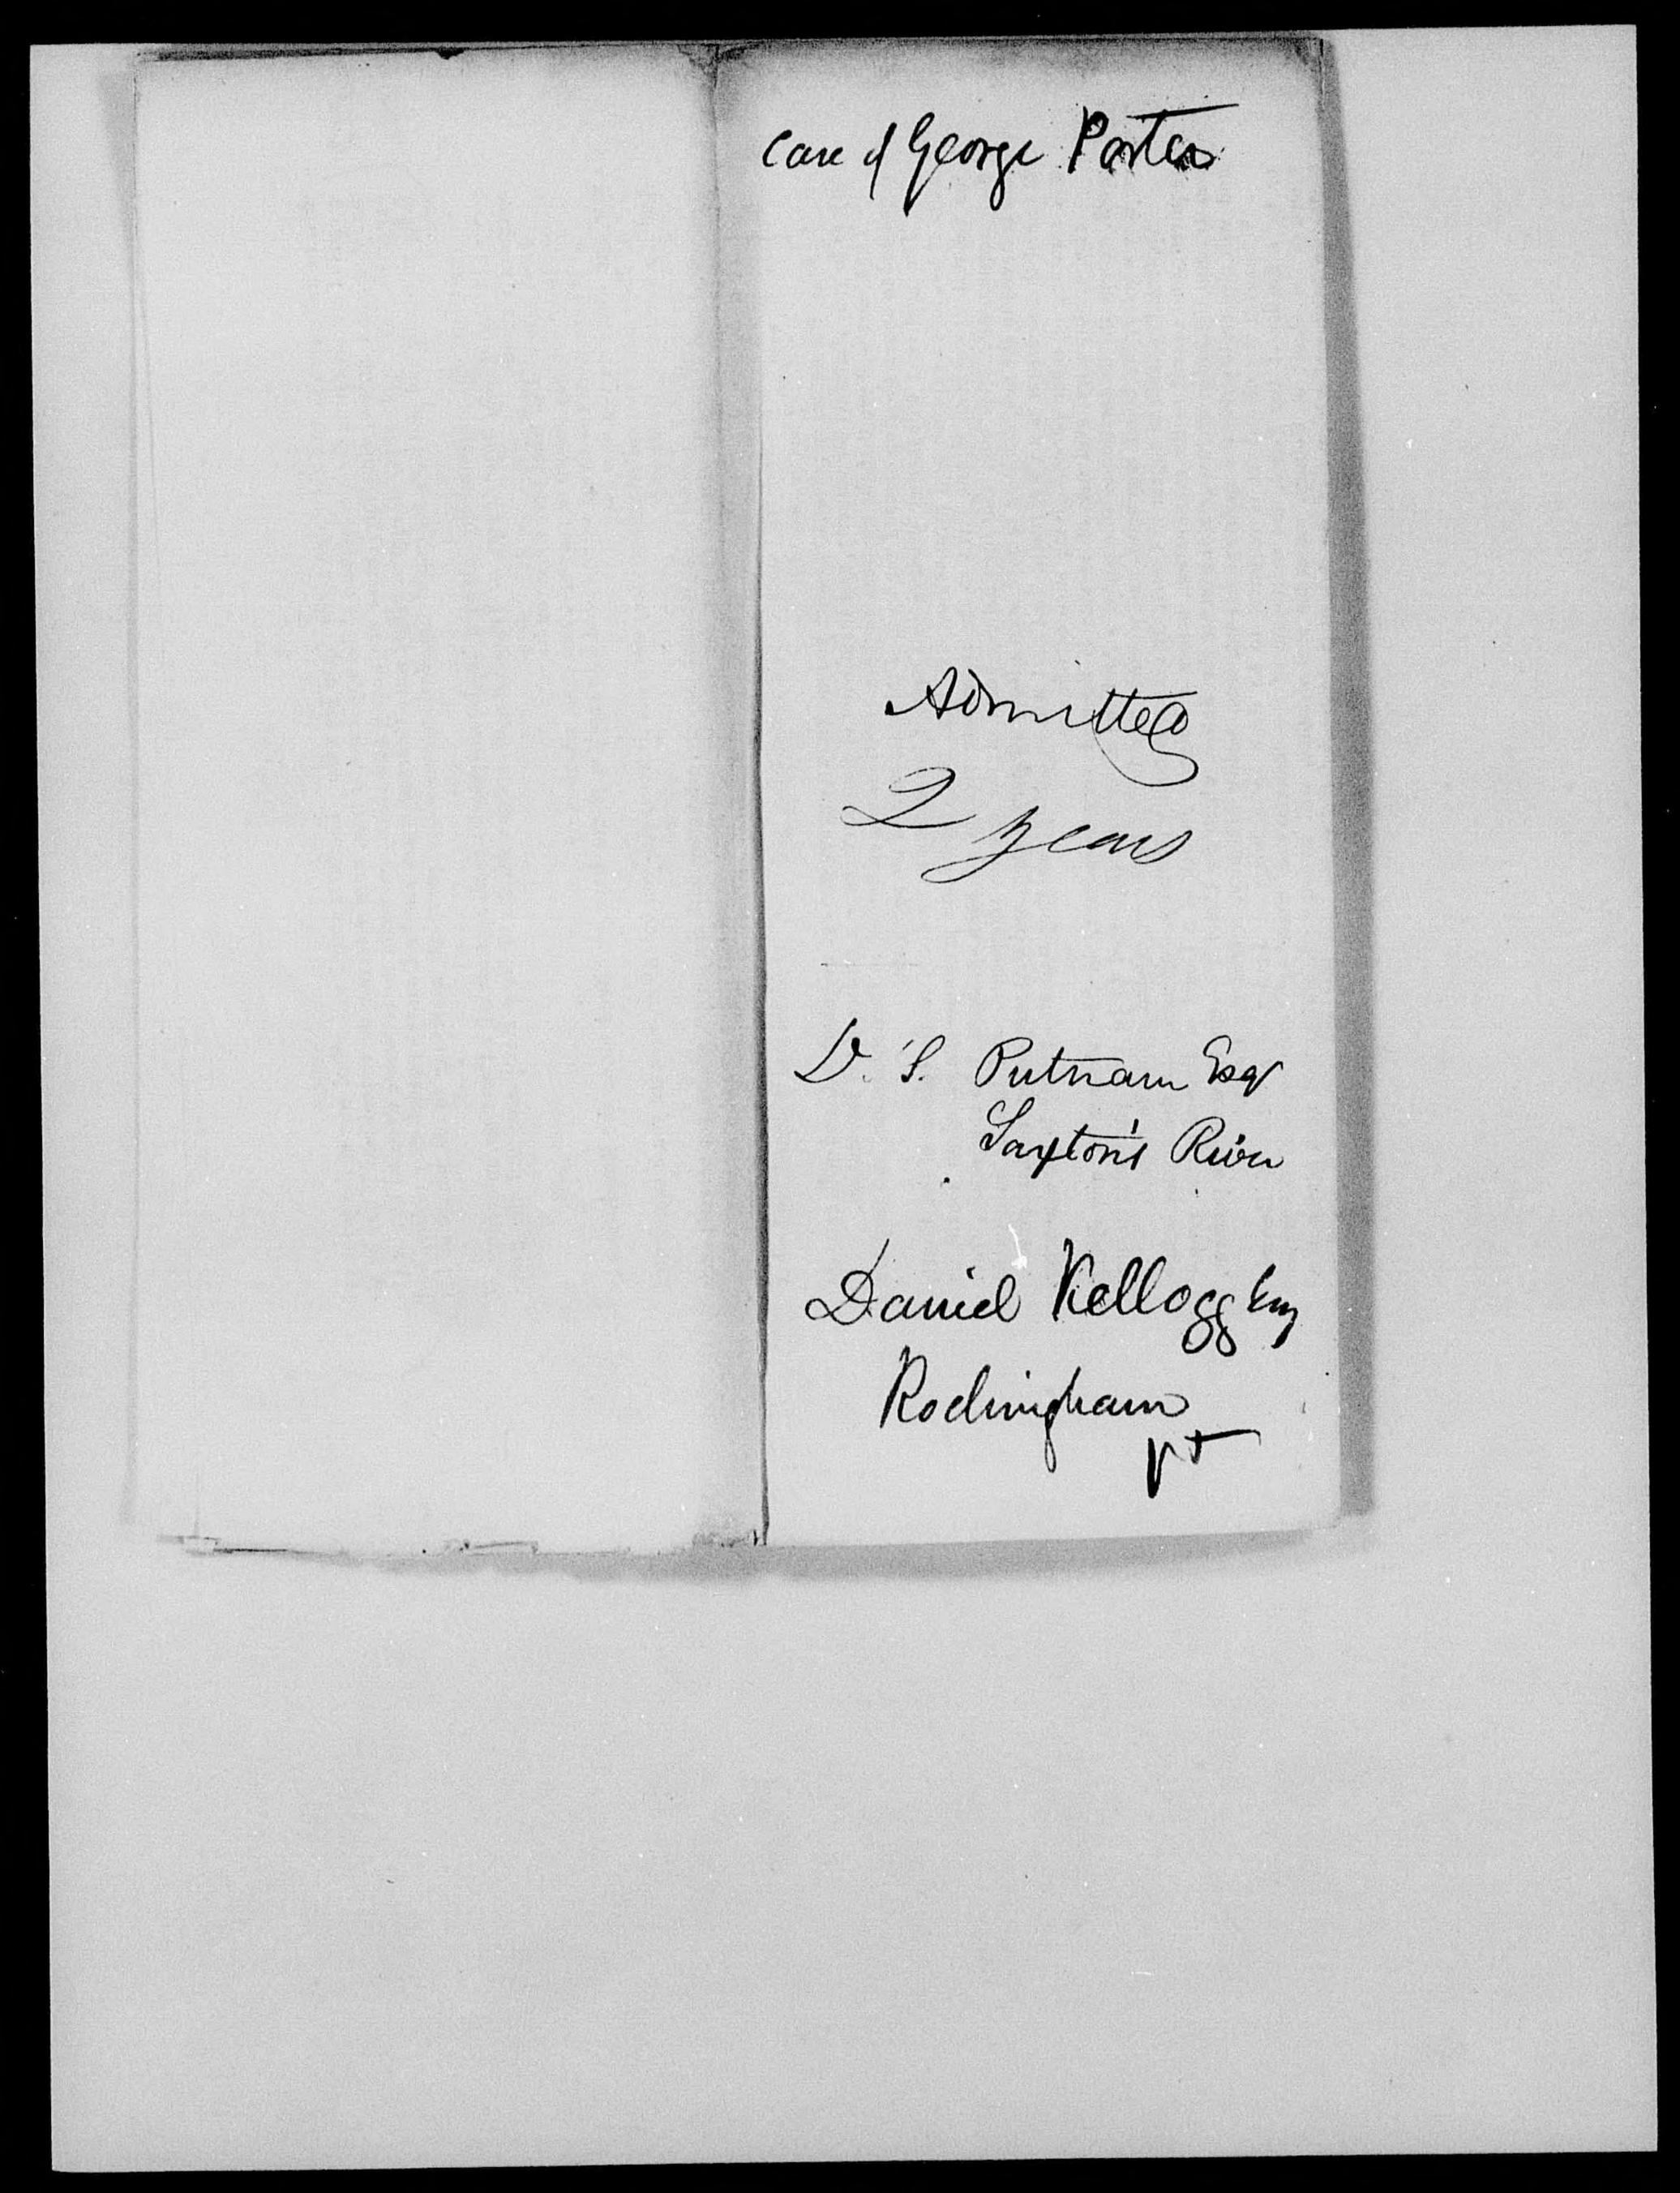Case of George Porter

Admitted
2 years

C. S. Putnam Esq Saxton's River
Kaniel Kellogg Esq Rockingham Vt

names: D L Putnam; Daniel Kellogg; George Porter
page: 47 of 49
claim: widow's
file: W. 2164, for George Porter, Massachusetts